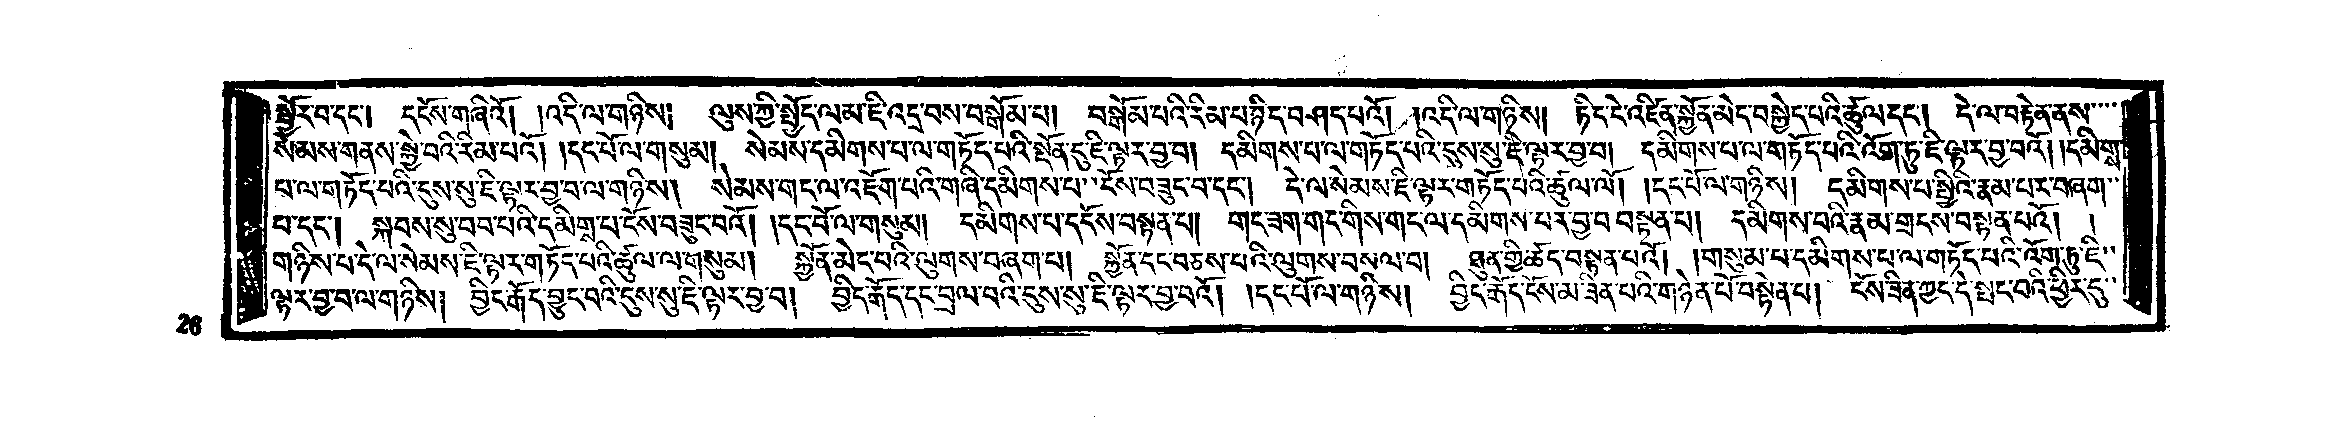སྦྱོར་བ་དང་། དངོས་གཞིའོ། །འདི་ལ་གཉིས། ལུས་ཀྱི་སྤྱོད་ལམ་ཇི་འདྲ་བས་བསྒོམ་པ། བསྒོམ་པའི་རིམ་པ་ཉིད་བཤད་པའོ། །འདི་ལ་གཉིས། ཏིང་ངེ་འཛིན་སྐྱོན་མེད་བསྐྱེད་པའི་ཚུལ་དང་། དེ་ལ་བརྟེན་ནས་
སེམས་གནས་སྐྱེ་བའི་རིམ་པའོ། །དང་པོ་ལ་གསུམ། སེམས་དམིགས་པ་ལ་གཏོད་པའི་སྔོན་དུ་ཇི་ལྟར་བྱ་བ། དམིགས་པ་ལ་གཏོད་པའི་དུས་སུ་ཇི་ལྟར་བྱ་བ། དམིགས་པ་ལ་གཏོད་པའི་འོག་ཏུ་ཇི་ལྟར་བྱ་བའོ། །དམིགས་
པ་ལ་གཏོད་པའི་དུས་སུ་ཇི་ལྟར་བྱ་བ་ལ་གཉིས། སེམས་གང་ལ་འཇོག་པའི་གཞི་དམིགས་པ་ངོས་བཟུང་བ་དང་། དེ་ལ་སེམས་ཇི་ལྟར་གཏོད་པའི་ཚུལ་ལོ། །དང་པོ་ལ་གཉིས། དམིགས་པ་སྤྱིའི་རྣམ་པར་བཞག་
པ་དང་། སྐབས་སུ་བབ་པའི་དམིགས་པ་ངོས་བཟུང་བའོ། །དང་པོ་ལ་གསུམ། དམིགས་པ་དངོས་བསྟན་པ། གང་ཟག་གང་གིས་གང་ལ་དམིགས་པར་བྱ་བ་བསྟན་པ། དམིགས་པའི་རྣམ་གྲངས་བསྟན་པའོ། །
གཉིས་པ་དེ་ལ་སེམས་ཇི་ལྟར་གཏོད་པའི་ཚུལ་ལ་གསུམ། སྐྱོན་མེད་པའི་ལུགས་བཞག་པ། སྐྱོན་དང་བཅས་པའི་ལུགས་བསལ་བ། ཐུན་གྱི་ཚད་བསྟན་པའོ། །གསུམ་པ་དམིགས་པ་ལ་གཏོད་པའི་འོག་ཏུ་ཇི་
ལྟར་བྱ་བ་ལ་གཉིས། བྱིང་རྒོད་བྱུང་བའི་དུས་སུ་ཇི་ལྟར་བྱ་བ། བྱིང་རྒོད་དང་བྲལ་བའི་དུས་སུ་ཇི་ལྟར་བྱ་བའོ། །དང་པོ་ལ་གཉིས། བྱིང་རྒོད་ངོས་མ་ཟིན་པའི་གཉེན་པོ་བསྟེན་པ། ངོས་ཟིན་ཀྱང་དེ་སྤང་བའི་ཕྱིར་དུ་